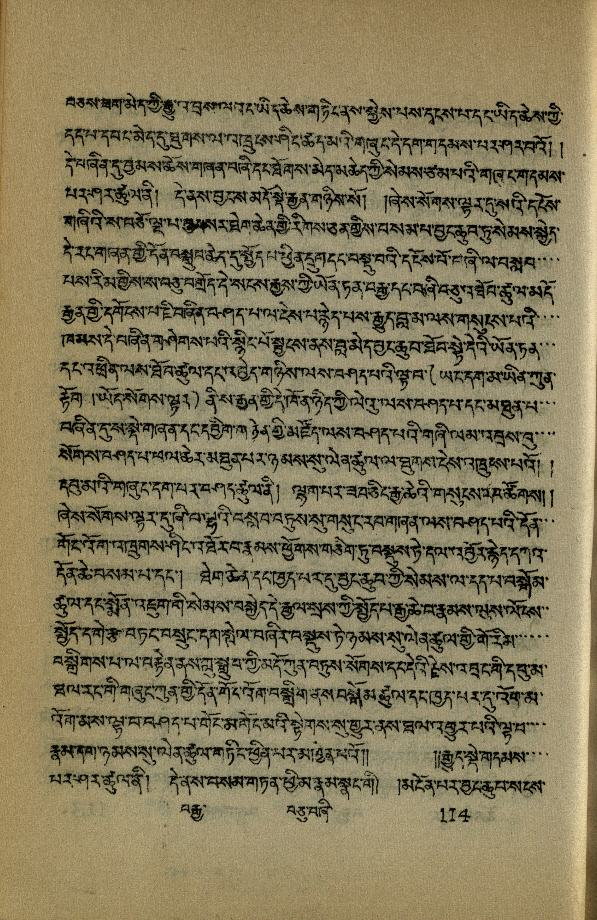བཅས་ཟག་མེད་ཀྱི་རྒྱུ་འབྲས་ལའང་ཡིད་ཆེས་གཏིང་ནས་སྐྱེས་པས་དྭངས་པ་དང་ཡིད་ཆེས་ཀྱི་
དད་པ་དབང་མེད་དུ་ཐུགས་ལ་འཁྲུངས་ཤིང་ཚད་མའི་གཞུང་དེ་དག་གདམས་པར་ཤར་བའོ། །
དེ་བཞིན་དུ་བྱམས་ཆོས་གཞན་བཞི་དང་ཐོགས་མེད་མཆེད་ཀྱི་སེམས་ཙམ་པའི་གཞུང་གདམས་
པར་ཤར་ཚུལ་ནི། དེ་ནས་བྱངས་མདོ་སྡེ་རྒྱན་གཉིས་སོ། །ཞེས་སོགས་ལྟར་དུ་སའི་དངོས་
གཞིའི་ས་བཅོ་ལྔ་པ་བྱ?་སར་ཐེག་ཆེན་གྱི་རིགས་ཅན་གྱིས་བསམ་པ་བྱང་ཆུབ་ཏུ་སེམས་སྐྱེད་
དེ་རང་གཞན་གྱི་དོན་བསྒྲུབ་ཆེད་དུ་སྤྱོད་པ་ཕྱིན་དྲུག་དང་བསྡུ་བའི་དངོས་པོ་བཞི་ལ་བསླབ་
པས་རིམ་གྱིས་ས་བཅུ་བགྲོད་དེ་སངས་རྒྱས་ཀྱི་ཡོན་ཏན་བརྒྱ་དང་བཞི་བཅུ་འཐོབ་ཚུལ་མདོ་
རྒྱན་གྱི་དགོངས་པ་ཇི་བཞིན་བཤད་པ་ལ་ངེས་པ་རྙེད་པས་རྒྱུད་བླ་མ་ལས་གསུངས་པའི་
ཁམས་དེ་བཞིན་གཤེགས་པའི་སྙིང་པོ་སྦྱངས་ནས་བླ་མེད་བྱང་ཆུབ་ཐོབ་སྟེ་དེའི་ཡོན་ཏན་
དང་འཕྲིན་ལས་ཐོབ་ཚུལ་དང་འབྱེད་གཉིས་ལས་བཤད་པའི་ལྟ་བ་ཡང་དག་མ་ཡིན་ཀུན་
རྟོག །ཡོད་སོགས་ལྟར་ནི་ས་རྒྱན་གྱི་དེ་ཁོ་ན་ཉིད་ཀྱི་ལེའུ་ལས་བཤད་པ་དང་མཐུན་པ་
བཞིན་དུ་ས་སྡེ་གཞན་དང་དབྱིག་གཉེན་གྱི་མཛོད་ལས་བཤད་པའི་གཞི་ལམ་འབྲས་བུ་
སོགས་བཤད་པ་ཕལ་ཆེར་མཐུན་པར་ཉམས་སུ་ལེན་ཚུལ་ལ་ཐུགས་ངེས་འཁྲུངས་པའོ།།
དབུ་མའི་གཞུང་དག་པར་བཤད་ཚུལ་ནི། ལྷག་པར་ཟབ་ཅིང་རྒྱ་ཆེའི་གསུངས་རབ་ཚོགས། །
ཞེས་སོགས་ལྟར་དུ་ཞི་བ་ལྷའི་བསླབ་བཏུས་སུ་གསུང་རབ་གཞན་ལས་བཤད་པའི་དོན་
གོང་འོག་འཁྲུགས་ཤིང་འཐོར་བ་རྣམས་ཕྱོགས་གཅིག་ཏུ་བསྡུས་ཏེ་དལ་འབྱོར་རྙེད་དཀའ་
དོན་ཆེ་བསམ་པ་དང་། ཐེག་ཆེན་དང་ཁྱད་པར་དུ་བྱང་ཆུབ་ཀྱི་སེམས་ལ་དད་པ་བསྒོམ་
ཚུལ་དང་སྨོན་འཇུག་གི་སེམས་བསྐྱེད་དེ་རྒྱལ་སྲས་ཀྱི་སྤྱོད་པ་རྒྱ་ཆེ་བ་རྣམས་ལུས་ལོངས་
སྤྱོད་དགེ་རྩ་བཏང་བསྲུང་དག་སྤེལ་བཞིར་བསྡུས་ཏེ་ཉམས་སུ་ལེན་ཚུལ་གྱི་གོ་རིམ་
བསྒྲིགས་པ་ལ་བརྟེན་ནས་ཀླུ་སྒྲུབ་ཀྱི་མདོ་ཀུན་བཏུས་སོགས་དང་དེའི་རྗེས་འབྲང་གི་དབུ་མ་
ཐལ་རང་གི་གཞུང་ཀུན་གྱི་དོན་གོང་འོག་བསྒྲིག་ནས་བསྒོམ་ཚུལ་དང་ཁྱད་པར་དུ་འོག་མ་
འོག་མས་ལྟ་བ་བཤད་པ་གོང་མ་གོང་མའི་སྟེགས་སུ་གྱུར་ནས་ཐལ་འགྱུར་བའི་ལྟ་བ་
རྣམ་དག་ཉམས་སུ་ལེན་ཚུལ་གཏིང་ཕྱིན་པར་མཁྱེན་པའོ།། །།རྒྱུད་སྡེ་གདམས་
པར་ཤར་ཚུལ་ནི། དེ་ནས་བསམ་གཏན་ཕྱི་མ་རྣམ་སྣང་གི། །མངོན་པར་བྱང་ཆུབ་སངས་